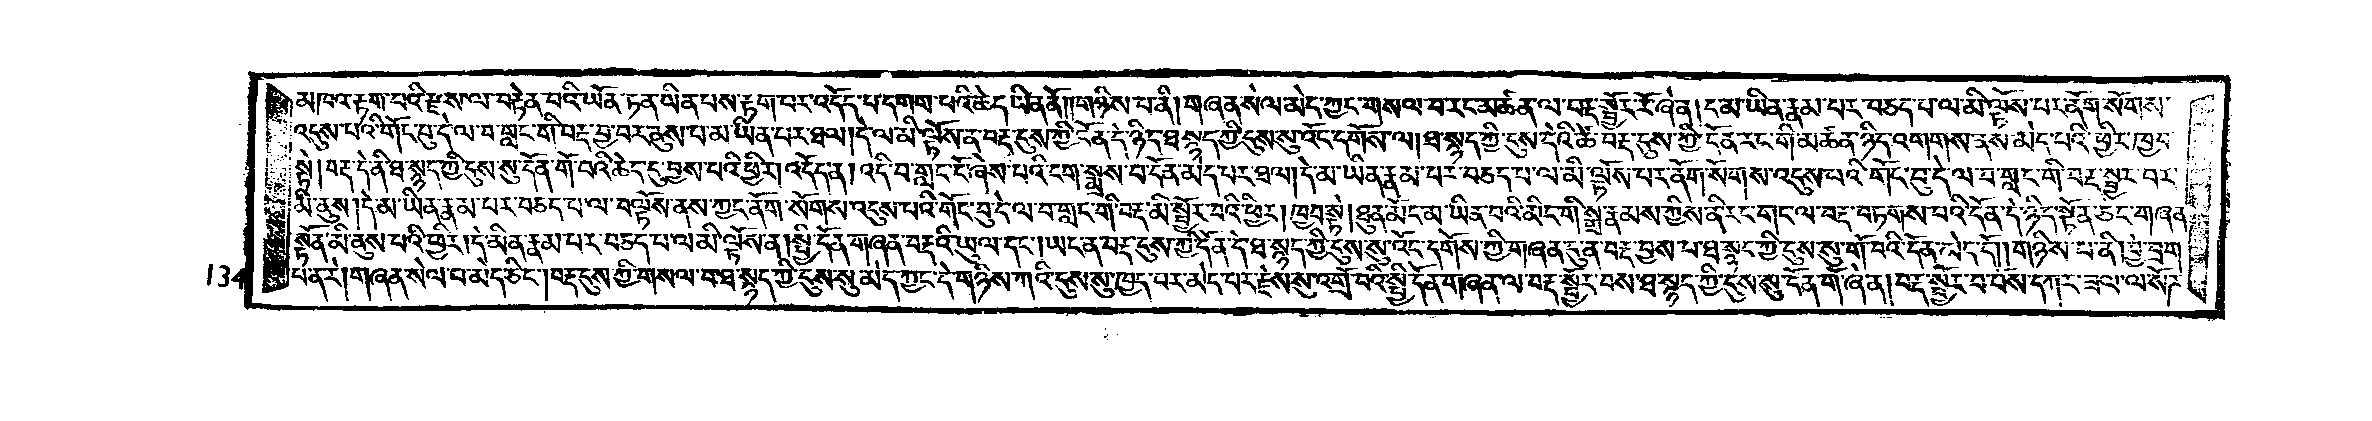མཁའ་རྟག་པའི་རྫས་ལ་བརྟེན་པའི་ཡོན་ཏན་ཡིན་པས་རྟག་པར་འདོད་པ་དགག་པའི་ཆེད་ཡིན་ནོ། །གཉིས་པ་ནི། གཞན་སེལ་མེད་ཀྱང་གསལ་བ་རང་མཚན་ལ་བརྡ་སྦྱོར་རོ་ཞེ་ན། དེ་མ་ཡིན་རྣམ་པར་བཅད་པ་ལ་མི་ལྟོས་པར་ནོག་སོགས་
འདུས་པའི་གོང་བུ་དེ་ལ་བ་གླང་གི་བརྡ་བྱ་བར་ནུས་པ་མ་ཡིན་པར་ཐལ། དེ་ལ་མི་ལྟོས་ན་བརྡ་དུས་ཀྱི་དོན་དེ་ཉིད་ཐ་སྙད་ཀྱི་དུས་སུ་འོང་དགོས་ལ། ཐ་སྙད་ཀྱི་དུས་དེའི་ཚེ་བརྡ་དུས་ཀྱི་དོན་རང་གི་མཚན་ཉིད་འགགས་ནས་མེད་པའི་ཕྱིར་ཁྱབ་
སྟེ། བརྡ་དེ་ནི་ཐ་སྙད་ཀྱི་དུས་སུ་དོན་གོ་བའི་ཆེད་དུ་བྱས་པའི་ཕྱིར། འདོད་ན། འདི་བ་གླང་ངོ་ཞེས་པའི་ངག་སྨྲས་བ་དོན་མེད་པར་ཐལ། དེ་མ་ཡིན་རྣམ་པར་བཅད་པ་ལ་མི་ལྟོས་པར་ནོག་སོགས་འདུས་པའི་གོང་བུ་དེ་ལ་བ་གླང་གི་བརྡ་སྦྱར་བར་
མི་ནུས། དེ་མ་ཡིན་རྣམ་པར་བཅད་པ་ལ་བལྟོས་ནས་ཀྱང་ནོག་སོགས་འདུས་པའི་གོང་བུ་དེ་ལ་བ་གླང་གི་བརྡ་མི་སྦྱོར་བའི་ཕྱིར། ཁྱབ་སྟེ། ཐུན་མོང་མ་ཡིན་པའི་མིང་གི་སྒྲ་རྣམས་ཀྱིས་ནི་རང་གང་ལ་བརྡ་བཏགས་པའི་དོན་དེ་ཉིད་སྟོན་ཅིང་གཞན་
སྟོན་མི་ནུས་པའི་ཕྱིར། དེ་མིན་རྣམ་པར་བཅད་པ་ལ་མི་ལྟོས་ན། སྤྱི་དོན་གཞན་བརྡའི་ཡུལ་དང་། ཡང་ན་བརྡ་དུས་ཀྱི་དོན་དེ་ཐ་སྙད་ཀྱི་དུས་སུ་འོང་དགོས་ཀྱི་གཞན་དུ་ན་བརྡ་བྱས་པ་ཐ་སྙད་ཀྱི་དུས་སུ་གོ་བའི་དོན་མེད་དོ། །གཉིས་པ་ནི། བྱེ་བྲག་
པ་ན་རེ། གཞན་སེལ་བ་མེད་ཅིང་། བརྡ་དུས་ཀྱི་གསལ་བ་ཐ་སྙད་ཀྱི་དུས་སུ་མེད་ཀྱང་དེ་གཉིས་ཀའི་དུས་སུ་ཁྱད་པར་མེད་པར་རྗེས་སུ་འགྲོ་བའི་སྤྱི་དོན་གཞན་ལ་བརྡ་སྦྱོར་བས་ཐ་སྙད་ཀྱི་དུས་སུ་དོན་གོ་ཞེ་ན། བརྡ་སྦྱོར་བ་པོས་དཀར་ཟལ་ལ་སོཌ་